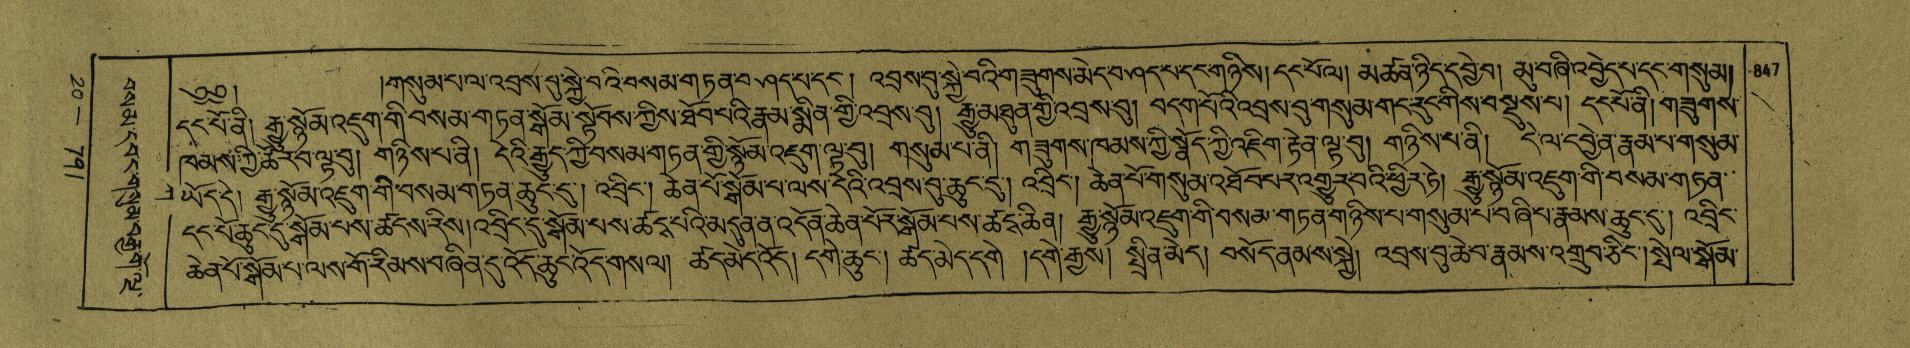༄༅། །གསུམ་པ་ལ་འབྲས་བུ་སྐྱེ་བའི་བསམ་གཏན་བཤད་པ་དང་། འབྲས་བུ་སྐྱེ་བའི་གཟུགས་མེད་བཤད་པ་དང་གཉིས། དང་པོ་ལ། མཚན་ཉིད་དབྱེ་བ། མུ་བཞི་བྱེད་པ་དང་གསུམ།
དང་པོ་ནི། རྒྱུ་སྙོམ་འཇུག་གི་བསམ་གཏན་སྒོམ་སྟོབས་ཀྱིས་ཐོབ་པའི་རྣམ་སྨིན་གྱི་འབྲས་བུ། རྒྱུ་མཐུན་གྱི་འབྲས་བུ། བདག་པོའི་འབྲས་བུ་གསུམ་གང་རུང་གིས་བསྡུས་པ། དང་པོ་ནི། གཟུགས་
ཁམས་ཀྱི་ཚོར་བ་ལྟ་བུ། གཉིས་པ་ནི། དེའི་རྒྱུད་ཀྱི་བསམ་གཏན་གྱི་སྙོམ་འཇུག་ལྟ་བུ། གསུམ་པ་ནི། གཟུགས་ཁམས་ཀྱི་སྣོད་ཀྱི་འཇིག་རྟེན་ལྟ་བུ། གཉིས་པ་ནི། དེ་ལ་དབྱེ་ན་རྣམ་པ་གསུམ་
ཡོད་དེ། རྒྱུ་སྙོམ་འཇུག་གི་བསམ་གཏན་ཆུང་ངུ། འབྲིང་། ཆེན་པོ་སྒོམ་པ་ལས་དེའི་འབྲས་བུ་ཆུང་དུ། འབྲིང་། ཆེན་པོ་གསུམ་འཐོབ་པར་འགྱུར་བའི་ཕྱིར་ཏེ། རྒྱུ་སྙོམ་འཇུག་གི་བསམ་གཏན་
དང་པོ་ཆུང་དུ་སྒོམ་པས་ཚངས་རིས། འབྲིང་དུ་སྒོམ་པས་ཚངས་པའི་མདུན་ན་འདོན་ཆེན་པོར་སྒོམ་པས་ཚངས་ཆིན། རྒྱུ་སྙོམ་འཇུག་གི་བསམ་གཏན་གཉིས་པ་གསུམ་པ་བཞི་པ་རྣམས་ཆུང་དུ། འབྲིང་
ཆེན་པོ་སྒོམ་པ་ལས་གོ་རིམས་བཞིན་དུ་འོད་ཆུང་འོད་གསལ། ཚད་མེད་འོད། དགེ་ཆུང་། ཚད་མེད་དགེ །དགེ་རྒྱས། སྤྲིན་མེད། བསོད་ནམས་སྐྱེ། འབྲས་བུ་ཆེ་བ་རྣམས་འགྲུབ་ཅིང་། སྤེལ་སྒོམ་